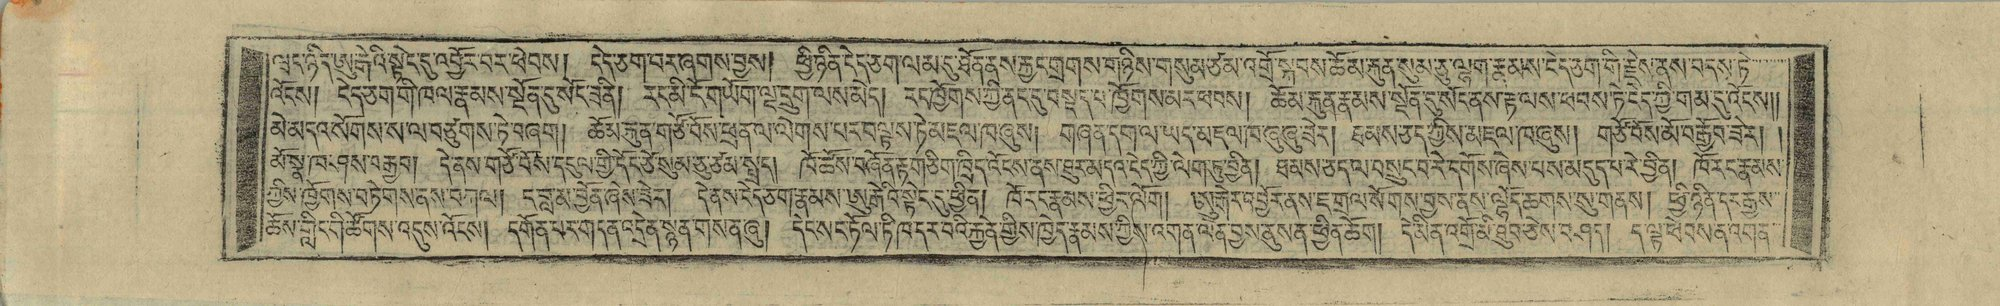ཝང་ཉིད་ཨུ་རྒེའི་སྟེང་དུ་འབྱོར་བར་ཕེབས། ངེད་ཅག་བར་ཞགས་བྱས། ཕྱི་ཉིན་ངེད་ཅག་ལམ་དུ་ཐོན་ནས་རྐྱང་གྲགས་གཉིས་གསུམ་ཙམ་འགྲོ་སྐབས་ཆོམ་རྐུན་སུམ་ཅུ་ལྷག་རྣམས་ངེད་ཅག་གི་རྗེས་ནས་བདས་ཏེ་
འོངས། ངེད་ཅག་གི་ཁལ་རྣམས་སྔོན་དུ་སོང་ཟིན། རང་མི་ངོ་གཡོག་ལྔ་དྲུག་ལས་མེད། རང་ཁྱོགས་ཀྱི་ནང་དུ་བསྡད་པ་ཁྱོགས་མར་ཕབས། ཆོམ་རྐུན་རྣམས་སྔོན་དུ་སོང་ནས་རྟ་ལས་ཕབས་ཏེ་ངེད་ཀྱི་གམ་དུ་འོངས། །
མེ་མདའ་སོགས་ས་ལ་བཙུགས་ཏེ་བཞག །ཆོམ་རྐུན་གཙོ་བོས་ཕྲན་ལ་ལེགས་པར་བལྟས་ཏེ་མཇལ་ཁ་ཞུས། གཞན་དག་ལ་ཡང་མཇལ་ཁ་ཞུ་ཞུ་ཟེར། ཐམས་ཅད་ཀྱིས་མཇལ་ཁ་ཞུས། གཙོ་བོས་མོ་བརྒྱོབ་ཟེར། །
མོ་སྣ་ཁ་ཤས་བརྒྱབ། དེ་ནས་གཙོ་བོས་དངུལ་གྱི་དོང་ཙེ་སུམ་ཅུ་ཙམ་སྤྲད། ཁོ་ཚོས་བཞོན་རྟ་གཅིག་ཁྲིད་འོངས་ནས་ཐུར་མདའ་ངེད་ཀྱི་ལེག་ཏུ་བྱིན། ཐམས་ཅད་ལ་བསྲུང་བ་རེ་དགོས་ཞེས་པས་མདུད་པ་རེ་བྱིན། ཁོ་རང་རྣམས་
ཀྱིས་ཁྱོགས་བཏེགས་ནས་བཀལ། ད་བླ་མ་བྱོན་ཞེས་ཟེར། དེ་ནས་ངེད་ཅག་རྣམས་ཨུ་རྒེའི་སྟེང་དུ་ཕྱིན། ཁོ་རང་རྣམས་ཕྱིར་ལོག །ཨུ་རྒེར་འབྱོར་ནས་ཇ་གྲལ་སོགས་བྱས་ནས་ལྷོད་ཆགས་སུ་གནས། ཕྱི་ཉིན་དར་རྒྱས་
ཆོས་གླིང་གི་ཚོགས་འདུས་འོངས། དགོན་པར་གདན་འདྲེན་སྙན་གསན་ཞུ། དེང་སང་ཏོལ་ཏི་ཁ་དར་བའི་རྐྱེན་གྱིས་ཁྱེད་རྣམས་ཀྱིས་འགན་ལེན་བྱས་ནུས་ན་ཕྱིན་ཆོག །དེ་མིན་འགྲོ་མི་ཐུབ་ཅེས་བཤད། ད་ལྟ་ཕེབས་ན་འགན་